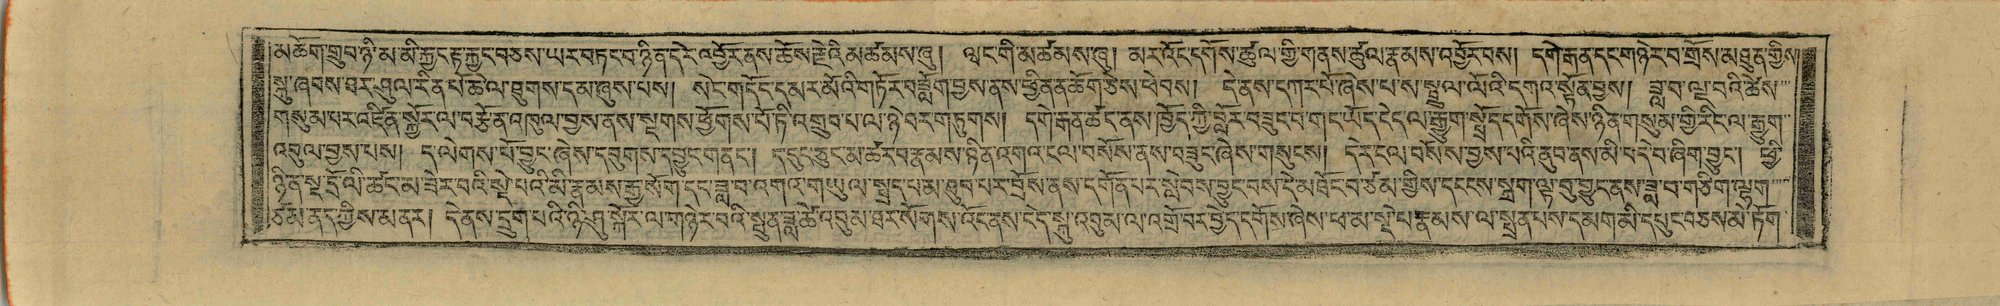མཆོག་གྲུབ་ཉི་མ་མི་རྐྱང་རྟ་རྐྱང་བཅས་ཡར་བཏང་བ་ཉིན་དེར་འབྱོར་ནས་ཆོས་རྗེའི་མཚམས་ཞུ། ཝྭང་གི་མཚམས་ཞུ། མར་འོང་དགོས་ཚུལ་གྱི་གནས་ཚུལ་རྣམས་འབྱོར་བས། དགེ་རྒན་དང་གཉེར་བ་གྲོས་མཐུན་གྱིས་
སྐུ་ཞབས་ཐར་ཤུལ་རིན་པོ་ཆེ་ལ་ཐུགས་དམ་ཞུས་པས། སེང་གདོང་དམར་མོའི་གཏོར་བཟློག་བྱས་ནས་ཕྱིན་ན་ཆོག་ཅེས་ཕེབས། དེ་ནས་དཀར་པོ་ཞེས་པ་ས་སྦྲུལ་ལོའི་དགའ་སྟོན་བྱས། ཟླ་བ་ལྔ་བའི་ཚེས་
གསུམ་པར་འཛིན་སྐྱོར་ལ་བརྩོན་འཁུལ་བྱས་ནས་སྔགས་ཕྱོགས་པོ་ཏི་འགྲུབ་པ་ལ་ཉེ་བར་གཏུགས། དགེ་རྒན་ཚང་ནས་ཁྱོད་ཀྱི་བློར་བཟུང་བ་གང་ཡོད་ངེད་ལ་རྒྱུག་སྤྲོད་དགོས་ཞེས་ཉིན་གསུམ་གྱི་རིང་ལ་རྒྱུག་
འབུལ་བྱས་པས། ད་ལེགས་པོ་བྱུང་ཞེས་དབུགས་དབྱུང་གནང་། ད་དུང་ཅུང་མ་ཚར་བ་རྣམས་ཉིན་འགའ་ངལ་བསོས་ནས་བཟུང་ཞེས་གསུངས། དེར་ངལ་བསོས་བྱས་པའི་ནུབ་ནས་མི་བདེ་བ་ཞིག་བྱུང་། ཕྱི་
ཉིན་སྔ་དྲོ་ལི་ཚང་མ་ཟེར་བའི་སྡེ་བའི་མི་རྣམས་རྒྱ་སོག་དང་ཟླ་བ་འགའ་གཡུལ་སྤྲད་པ་མ་ཐུབ་པར་བྲོས་ནས་དགོན་པར་སླེབས་བྱུང་བས་དེ་མཐོང་བ་ཙམ་གྱིས་དངངས་སྐྲག་ལྟ་བུ་བྱུང་ནས་ཟླ་བ་གཅིག་ལྷག་
ཙམ་ནད་ཀྱིས་མནར། དེ་ནས་དྲུག་པའི་ཉི་ཤུ་སྐོར་ལ་གཉེར་བའི་སྤུན་ཟླ་ཚེ་འབུམ་ཐར་སོགས་འོང་ནས་ངེད་སྐུ་འབུམ་ལ་འགྲོ་བར་བྱེད་དགོས་ཞེས་ཕ་མ་སྡེ་པ་རྣམས་ལ་སྤྲན་པས་དམག་མི་དཔུང་བཅས་མེ་ཏོག་